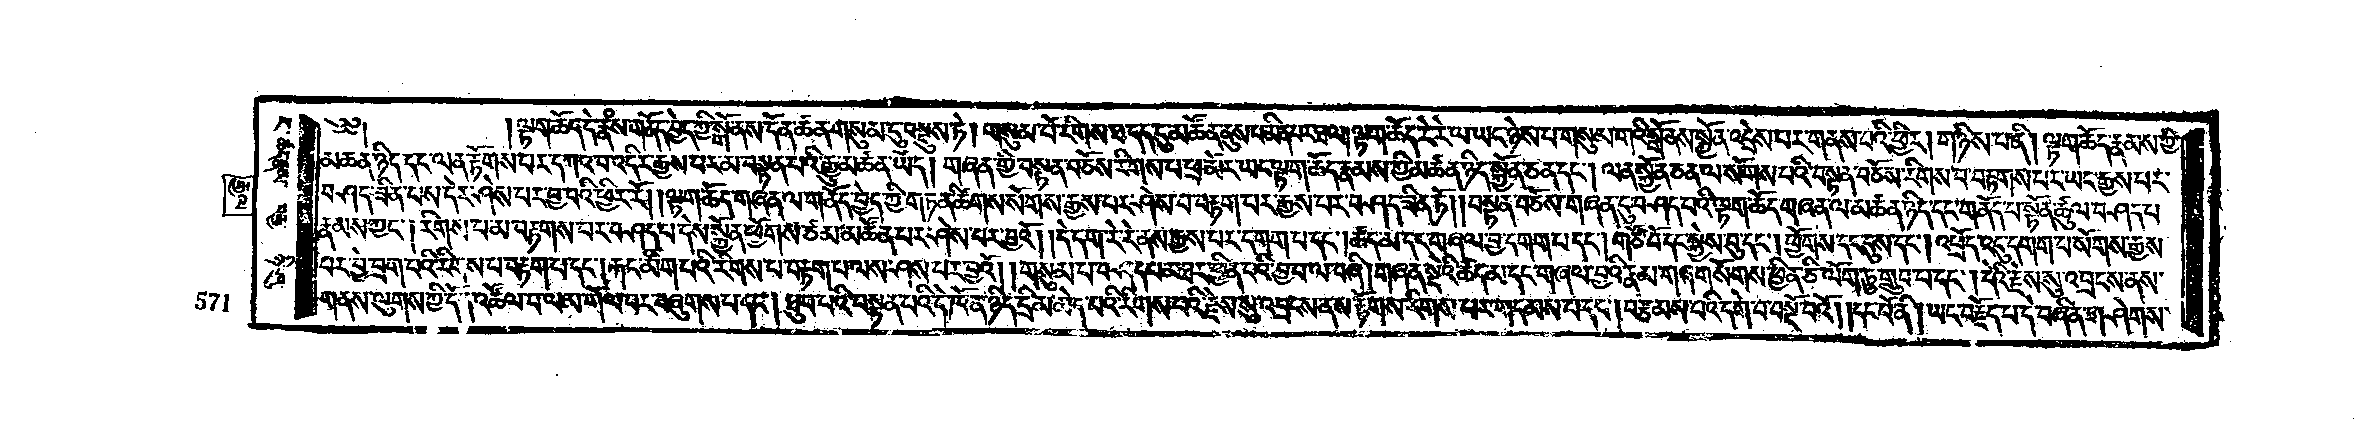༄༅། །ལྟག་ཆོད་དེ་རྣམས་གནོད་བྱེད་ཀྱི་སྒོ་ནས་དོན་ཚན་གསུམ་དུ་བསྡུས་ཏེ། གསུམ་པོ་རིགས་ཐ་དད་དུ་མཚོན་ནུས་པ་མིན་པར་ཐལ། ལྟག་ཆོད་རེ་རེ་ལ་ཡང་ཉེས་པ་གསུམ་གའི་སྒོ་ནས་སྐྱོན་འདྲེས་པར་གནས་པའི་ཕྱིར། གཉིས་པ་ནི། ལྟག་ཆོད་རྣམས་ཀྱི་
མཚན་ཉིད་དང་ལན་རྟོག་སྤར་དཀའ་བ་འདིར་རྒྱས་པར་མ་བསྟན་པའི་རྒྱུ་མཚན་ཡོད། གཞན་གྱི་བསྟན་བཅོས་རིགས་པ་ཕྲ་མོར་ཡང་ལྟག་ཆོད་རྣམས་ཀྱི་མཚན་ཉིད་སྐྱོན་ཅན་དང་། ལན་སྐྱོན་ཅན་ལ་སོགས་པའི་བསྟན་བཅོས་རིགས་པ་བརྟགས་པར་ཡང་རྒྱས་པར་
བཤད་ཟིན་པས་དེར་ཤེས་པར་བྱ་བའི་ཕྱིར་རོ། །ལྟག་ཆོད་གཞན་ལ་གནོད་བྱེད་ཀྱི་གཏན་ཚིགས་སོགས་རྒྱས་པར་ཤེས་པར་བརྟག་པར་བཤད་ཟིན་ཏོ། །བསྟན་བཅོས་གཞན་དུ་བཤད་པའི་ལྟག་ཆོད་གཞན་ལ་མཚན་ཉིད་དང་གནོད་པ་སྟོན་ཚུལ་བཤད་པ་
རྣམས་ཀྱང་། རིགས་པ་མ་བརྟགས་པར་བཤད་པ་དེས་སྐྱོན་ཕྱོགས་ཙམ་མཚོན་པར་ཤེས་པར་བྱའོ། །དེ་དག་རེ་རེ་ནས་རྒྱས་པར་དག་པ་དང་། ཚད་མ་དང་གཞལ་བྱ་དགག་པ་དང་། གཙོ་བོ་དང་སྐྱེས་བུ་དང་། ཕྱོགས་དང་དུས་དང་། འཕྲོད་འདུ་དགག་པ་སོགས་རྒྱས་
པར་བྱེ་བྲག་པའི་རིགས་པ་བརྟག་པ་དང་། རྐང་མིག་པའི་རིགས་པ་བརྟག་པ་ལས་ཤེས་པར་བྱའོ། །གསུམ་པ་བཤད་པ་མཐར་ཕྱིན་པའི་བྱ་བ་ལ་བཞི། གཞན་སྡེའི་ཚད་མ་དང་གཞལ་བྱའི་རྣམ་གཞག་སོགས་ཕྱིན་ཅི་ལོག་ཏུ་གྲུབ་པ་དང་། དེའི་རྗེས་སུ་འབྲངས་ནས་
གནས་ལུགས་ཀྱི་དོན་འཚོལ་བ་ལམ་གོལ་བར་བཞུགས་པ་དང་། ཐུབ་པའི་བསྟན་པའི་དེ་ཁོ་ན་ཉིད་དྲི་མ་མེད་པའི་རིགས་པའི་རྗེས་སུ་འབྲངས་ནས་རྟོགས་རིགས་པར་གདམས་པ་དང་། བརྩམས་པའི་དགེ་བ་བསྔོ་བའོ། །དང་པོ་ནི། ཡང་བརྗོད་པ་དེ་བཞིན་གཤེགས་